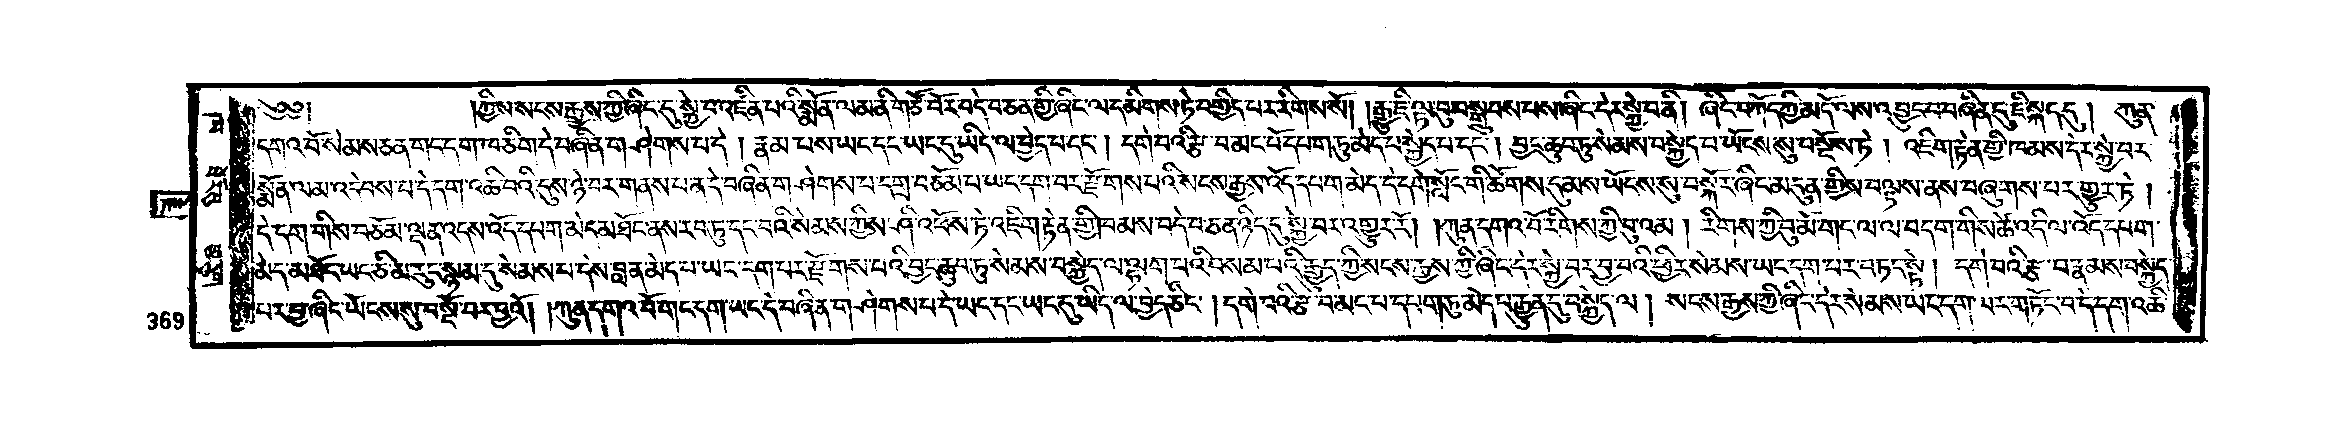༄༅། །ཀྱིས་སངས་རྒྱས་ཀྱི་ཞིང་དུ་སྐྱེ་བ་འཛིན་པའི་སྨོན་ལམ་ནི་གཙོ་བོར་བདེ་བ་ཅན་གྱི་ཞིང་ལ་དམིགས་ཏེ་བགྱིད་པར་རིགས་སོ། །རྒྱུ་ཇི་ལྟ་བུ་བསྒྲུབས་པས་ཞིང་དེར་སྐྱེ་བ་ནི། ཞིང་བཀོད་ཀྱི་མདོ་ལས་འབྱུང་བ་བཞིན་དུ་ཇི་སྐད་དུ། ཀུན་
དགའ་བོ་སེམས་ཅན་གང་དག་ཁ་ཅིག་དེ་བཞིན་གཤེགས་པ་དེ། རྣམ་པས་ཡང་དང་ཡང་དུ་ཡིད་ལ་བྱེད་པ་དང་། དགེ་བའི་རྩ་བ་མང་པོ་དཔག་ཏུ་མེད་པ་སྐྱེད་པ་དང་། བྱང་ཆུབ་ཏུ་སེམས་བསྐྱེད་པ་ཡངས་སུ་བསྔོས་ཏེ། འཇིག་རྟེན་གྱི་ཁམས་དེར་སྐྱེ་བར་
སྨོན་ལམ་འདེབས་པ་དེ་དག་འཆི་བའི་དུས་ཉེ་བར་གནས་པ་ན་དེ་བཞིན་གཤེགས་པ་དགྲ་བཅོམ་པ་ཡང་དག་པར་རྫོགས་པའི་སངས་རྒྱས་འོད་དཔག་མེད་དེ་དགེ་སློང་གི་ཚོགས་དུ་མས་ཡོངས་སུ་བསྐོར་ཞིང་མདུན་གྱིས་བལྟས་ནས་བཞུགས་པར་གྱུར་ཏེ།
དེ་དག་གིས་བཅོམ་ལྡན་འདས་འོད་དཔག་མེད་མཐོང་ནས་རབ་ཏུ་དང་བའི་སེམས་ཀྱིས་ཤི་འཕོས་ཏེ་འཇིག་རྟེན་གྱི་ཁམས་བདེ་བ་ཅན་ཉིད་དུ་སྐྱེ་བར་འགྱུར་རོ། །ཀུན་དགའ་བོ་རིགས་ཀྱི་བུ་འམ། རིགས་ཀྱི་བུ་མོ་གང་ལ་ལ་བདག་གིས་ཚེ་འདི་ལ་འོད་དཔག་
མེད་མཐོང་ཡང་ཅི་མ་རུང་སྙམ་དུ་སེམས་པ་དེས་བླ་ན་མེད་པ་ཡང་དག་པར་རྫོགས་པའི་བྱང་ཆུབ་ཏུ་སེམས་བསྐྱེད་ལ་ལྷག་པའི་བསམ་པའི་རྒྱུད་ཀྱི་སངས་རྒྱས་ཀྱི་ཞིང་དེར་སྐྱེ་བར་བྱ་བའི་ཕྱིར་སེམས་ཡང་དག་པར་བཏང་སྟེ། དགེ་བའི་རྩ་བ་རྣམས་བསྐྱེད་
པར་བྱ་ཞིང་ཡངས་སུ་བསྔོ་བར་བྱའོ། །ཀུན་དགའ་བོ་གང་དག་ཡང་དེ་བཞིན་གཤེགས་པ་དེ་ཡང་དང་ཡང་དུ་ཡིད་ལ་བྱེད་ཅིང་། དགེ་བའི་རྩ་བ་མང་པ་དཔག་ཏུ་མེད་པ་རྒྱུན་དུ་བསྐྱེད་ལ། སངས་རྒྱས་ཀྱི་ཞིང་དེར་སེམས་ཡང་དག་པར་གཏོང་བ་དེ་དག་འཆི་